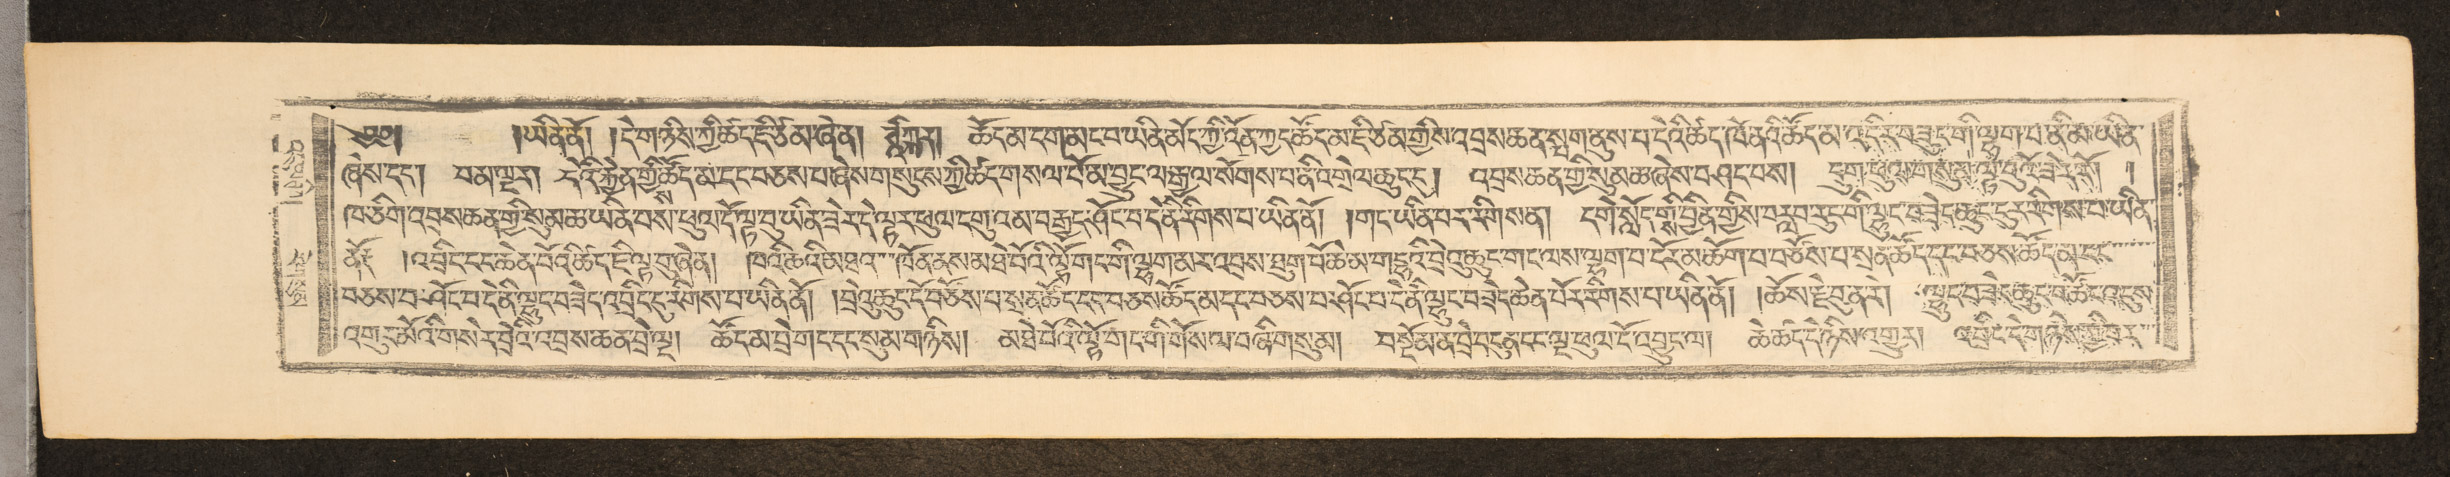༄༅། །ཡིན་ནོ། །དེ་གཉིས་ཀྱི་ཚད་ཇི་ཙམ་ཞེ་ན། ཊཱིཀྐར། ཚོད་མ་དག་མང་བ་ཡིན་མོད་ཀྱི་འོན་ཀྱང་ཚོད་མ་ཇི་ཙམ་གྱིས་འབྲས་ཆན་སྤག་ནུས་པ་དེའི་ཚད་ལོ་ནའི་ཚོད་མ་འདིར་བཟུང་གི་ལྷག་པ་ནི་མ་ཡིན་
ཞེས་དང་། བམ་ལྔར། དེའི་རྐྱེན་གྱིས་ཚོད་མ་དང་བཅས་པ་ཞེས་གསུངས་ཀྱི་ཚད་གསལ་པོ་མ་བྱུང་ལ་རྒྱ་ལ་སོགས་པ་ནི་འགྲེལ་ཆུང་དུ། འབྲས་ཆན་གྱི་སུམ་ཆ་ཞེས་བཤད་པས། དྲུག་ཕུལ་གསུམ་ལྟ་བུའོ་ཟེར་རོ། །
ཁ་ཅིག་འབྲས་ཆན་གྱི་སུམ་ཆ་ཡིན་པས་ཕུལ་དོ་ལྟ་བུ་ཡིན་ཟེར་དེ་ལྟར་ཕུལ་དགུ་འམ་བརྒྱད་ཤོང་བ་དེ་ནི་རིགས་པ་ཡིན་ནོ། །གང་ཡིན་པར་རིགས་ན། དགེ་སློང་གིས་བྱིན་གྱིས་བརླབ་རུང་གི་ལྷུང་བཟེད་ཆུང་དུར་རིགས་པ་ཡིན་
ནོ༑ །འབྲིང་དང་ཆེན་པོའི་ཚད་ཇི་ལྟ་བུ་ཞེ་ན། ཁའི་ཆའི་མཐའ་ཁོ་ན་ནས་མཐེ་བོའི་ལྷོ་གང་གི་ལྷག་མར་འབྲས་ཐུག་པོ་ཆེ་མ་གདྷའི་བྲེའུ་ཆུང་གང་ལས་ལྷག་པ་དོར་མཆོག་པ་བཙོས་པ་སྲན་ཚོད་དང་བཅས་ཚོད་མ་དང་
བཅས་པ་ཤོང་བ་དེ་ནི་ལྷུང་བཟེད་འབྲིང་དུ་རིགས་པ་ཡིན་ནོ། །བྲེའུ་ཆུང་དོ་བཙོས་པ་སྲན་ཚོད་དང་བཅས་ཚོད་མ་དང་བཅས་པ་ཤོང་བ་དེ་ནི་ལྷུང་བཟེད་ཆེན་པོར་རིགས་པ་ཡིན་ནོ། །ཆོས་རྗེ་བུ་ན་རེ། ལྷུང་བཟེད་ཆུང་བ་ཚོང་འདུས་
འགུར་མོའི་གསེར་བྲེའི་འབྲས་ཆན་བྲེ་ལྔ། ཚོད་མ་བྲེ་གང་དང་སུམ་གཉིས། མཐེ་བོའི་ལྟོ་གང་གི་གོ་ས་ལ་བཞི་གསུམ། བསྡོམ་ན་བྲེ་བདུན་དང་ལྔ་ཕུལ་དོ་འབྱུང་ལ། ཆེ་ཚད་དེ་ཉིས་འགྱུར། འབྲིང་དེ་གཉིས་ཀྱི་བར་